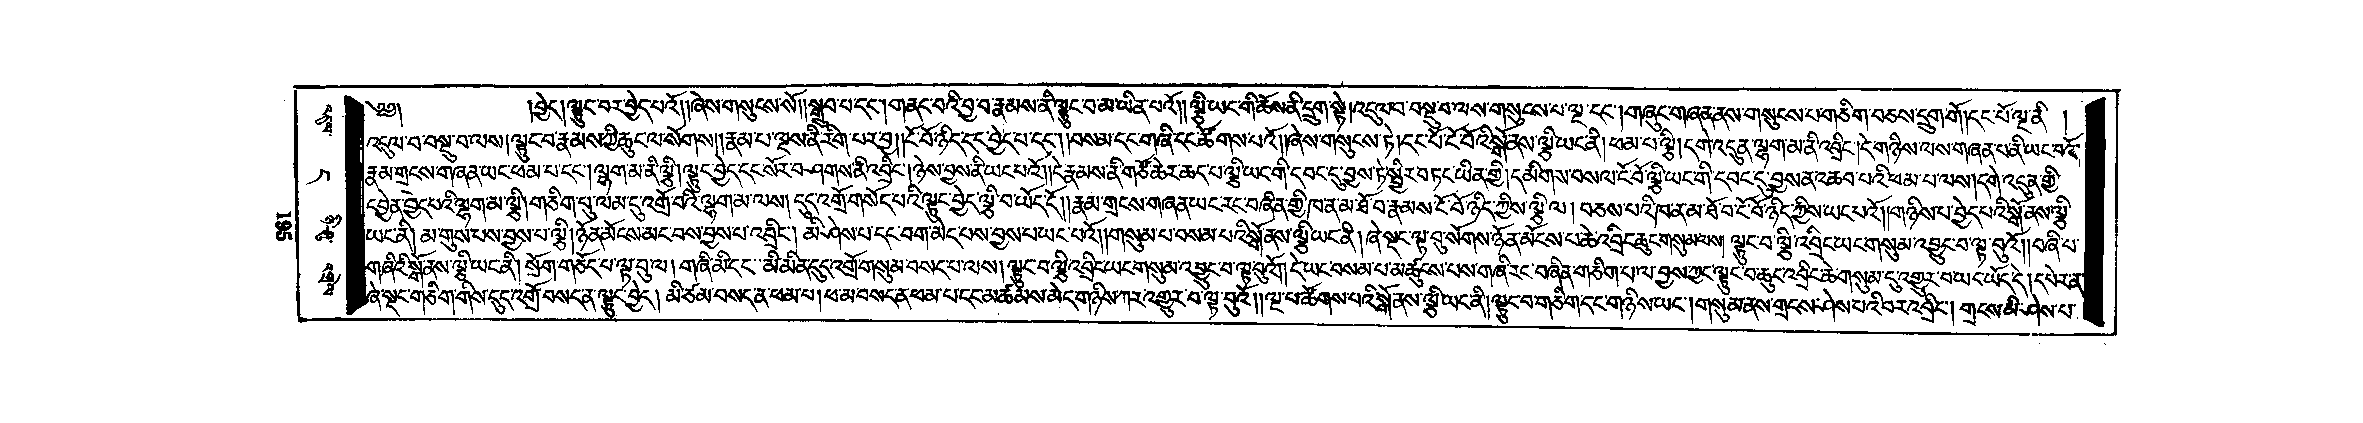༄༅། །བྱེད། ལྟུང་བར་བྱེད་པའོ། །ཞེས་གསུངས་སོ། །སྒྲུབ་པ་དང་། གནང་བའི་བྱ་བ་རྣམས་ནི་ལྟུང་བ་མ་ཡིན་པའོ། །ལྕི་ཡང་གི་ཆོས་ནི་དྲུག་སྟེ། འདུལ་བ་བསྡུ་བ་ལས་གསུངས་པ་ལྔ་དང་། གཞུང་གཞན་ནས་གསུངས་པ་གཅིག་བཅས་དྲུག་གོ །དང་པོ་ལྔ་ནི།
འདུལ་བ་བསྡུ་བ་ལས། ལྟུང་བ་རྣམས་ཀྱི་ཆུང་ལ་སོགས། །རྣམ་པ་ལྔས་ནི་རིག་པར་བྱ། །ངོ་བོ་ཉིད་དང་བྱེད་པ་དང་། །བསམ་དང་གཞི་དང་ཚོགས་པའོ། །ཞེས་གསུངས་ཏེ། དང་པོ་ངོ་བོའི་སྒོ་ནས་ལྕི་ཡང་ནི། ཕམ་པ་ལྕི། དགེ་འདུན་ལྷག་མ་ནི་འབྲིང་། དེ་གཉིས་ལས་གཞན་པ་ནི་ཡང་བའོ་
རྣམ་གྲངས་གཞན་ཡང་ཕམ་པ་དང་། ལྷག་མ་ནི་ལྕི། ལྟུང་བྱེད་དང་སོར་བཤགས་ནི་འབྲིང་། ཉེས་བྱས་ནི་ཡང་པའོ། །དེ་རྣམས་ནི་གཙོ་ཆེར་ཆད་པ་ལྕི་ཡང་གི་དབང་དུ་བྱས་ཏེ་སྤྱིར་བཏང་ཡིན་གྱི། དམིགས་བསལ་ངོ་བོ་ལྕི་ཡང་གི་དབང་དུ་བྱས་ན་འཆབ་པའི་ཕམ་པ་ལས། དགེ་འདུན་གྱི་
དབྱེན་བྱེད་པའི་ལྷག་མ་ལྕི། གཅིག་པུ་ལམ་དུ་འགྲོ་བའི་ལྷག་མ་ལས། དུད་འགྲོ་གསོད་པའི་ལྟུང་བྱེད་ལྕི་བ་ཡོད་དོ། །རྣམ་གྲངས་གཞན་ཡང་རང་བཞིན་གྱི་ཁ་ན་མ་ཐོ་བ་རྣམས་ངོ་བོ་ཉིད་ཀྱིས་ལྕི་ལ། བཅས་པའི་ཁ་ན་མ་ཐོ་བ་རྣམས་ངོ་བོ་ཉིད་ཀྱིས་ཡང་པའོ། །གཉིས་པ་བྱེད་པའི་སྒོ་ནས་ལྕི་
ཡང་ནི། མ་གུས་པས་བྱས་པ་ལྕི། ཉོན་མོངས་མང་བས་བྱས་པ་འབྲིང་། མི་ཤེས་པ་དང་བག་མེད་པས་བྱས་པ་ཡང་པའོ། །གསུམ་པ་བསམ་པའི་སྒོ་ནས་ལྕི་ཡང་ནི། ཞེ་སྡང་ལྟ་བུ་སོགས་ཉོན་མོངས་པ་ཆེ་འབྲིང་ཆུང་གསུམ་ལས། ལྟུང་བ་ལྕི་འབྲིང་ཡང་གསུམ་འབྱུང་བ་ལྟ་བུའོ། །བཞི་པ་
གཞིའི་སྒོ་ནས་ལྕི་ཡང་ནི། སྲོག་གཅོད་པ་ལྟ་བུ་ལ། གཞི་མི་དང་མི་མིན་དུད་འགྲོ་གསུམ་བསད་པ་ལས། ལྟུང་བ་ལྕི་འབྲིང་ཡང་གསུམ་འབྱུང་བ་ལྟ་བུའོ། །དེ་ཡང་བསམ་པ་མཚུངས་པས་གཞི་རང་བཞིན་གཅིག་པ་ལ་བྱས་ཀྱང་ལྟུང་བ་ཆུང་འབྲིང་ཆེ་གསུམ་དུ་འགྱུར་བ་ཡང་ཡོད་དེ། དཔེར་ན་
ཞེ་སྡང་གཅིག་གིས་དུད་འགྲོ་བསད་ན་ལྟུང་བྱེད། མི་ཙམ་བསད་ན་ཕམ་པ། ཕ་མ་བསད་ན་ཕམ་པ་དང་མཚམས་མེད་གཉིས་ཀར་འགྱུར་བ་ལྟ་བུའོ། །ལྔ་པ་ཚོགས་པའི་སྒོ་ནས་ལྕི་ཡང་ནི། ལྟུང་བ་གཅིག་དང་གཉིས་ཡང་། གསུམ་ནས་གྲངས་ཤེས་པའི་བར་འབྲིང་། གྲངས་མི་ཤེས་པ་